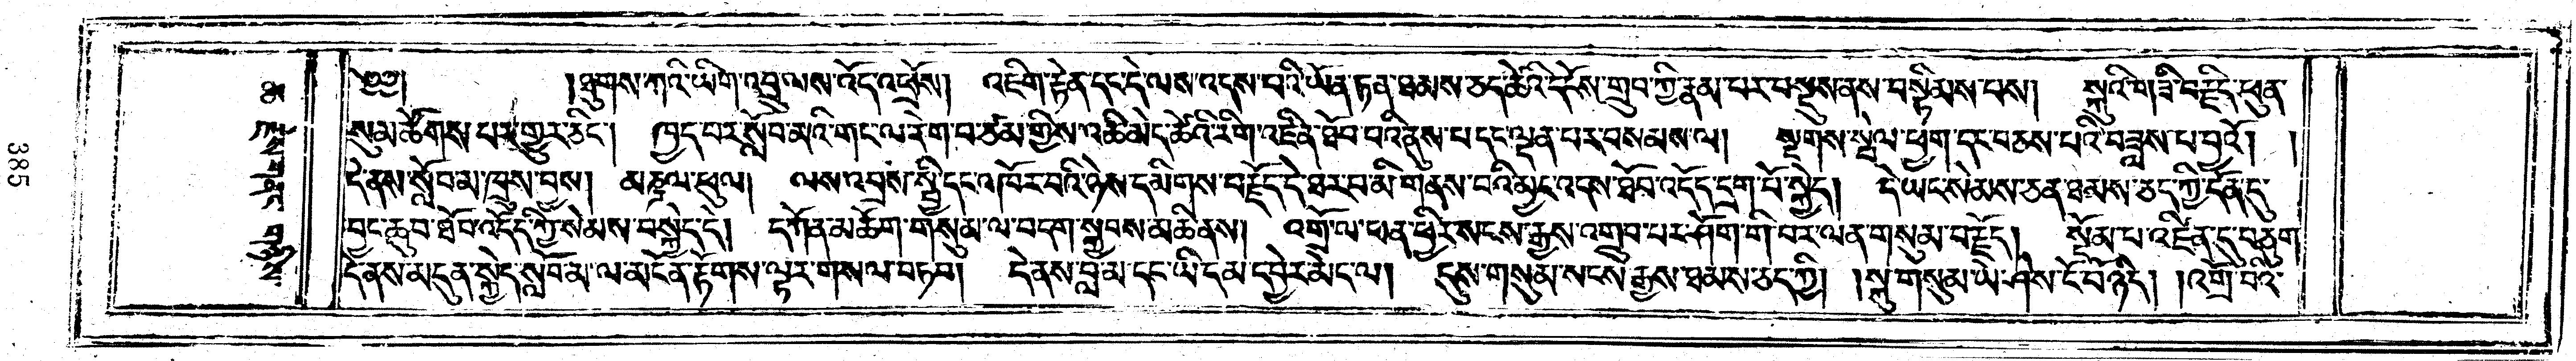༄༅། །ཐུགས་ཀའི་ཡིག་འབྲུ་ལས་འོད་འཕྲོས། འཇིག་རྟེན་དང་དེ་ལས་འདས་པའི་ཡོན་ཏན་ཐམས་ཅད་ཚེའི་དངོས་གྲུབ་ཀྱི་རྣམ་པར་བསྡུས་ནས་བསྟིམས་པས། སྐུའི་གཟི་བརྗིད་ཕུན་
སུམ་ཚོགས་པར་གྱུར་ཅིང་། ཁྱད་པར་སློབ་མའི་གང་ལ་རེག་བ་ཙམ་གྱིས་འཆི་མེད་ཚེའི་རིག་འཛིན་ཐོབ་པའི་ནུས་པ་དང་ལྡན་པར་བསམས་ལ། སྔགས་སྤེལ་ཕྱག་དང་བཅས་པའི་བཟླས་པ་བྱའོ། །
དེ་ནས་སློབ་མ་ཁྲུས་བྱས། མཎྜལ་ཕུལ། ལས་འབྲས་སྦྱི་དང་འཁོར་བའི་ཉེས་དམིགས་བརྗོད་དེ་ཐར་བ་མི་གནས་པའི་མྱང་འདས་ཐོབ་འདོད་དྲག་པོ་སྐྱེད། དེ་ཡང་སེམས་ཅན་ཐམས་ཅད་ཀྱི་དོན་དུ་བྱང་ཆུབ་ཐོབ་འདོད་ཀྱི་སེམས་བསྐྱེད་དེ། དཀོན་མཆོག་གསུམ་ལ་བདག་སྐྱབས་མཆི་ནས། འགྲོ་ལ་ཕན་ཕྱིར་སངས་རྒྱས་འགྲུབ་པར་ཤོག་གི་བར་ལན་གསུམ་བརྗོད། སྡོམ་པ་འཛིན་དུ་བཅུག་
དེ་ནས་མདུན་སྐྱེད་སློབ་མ་ལ་མངོན་རྟོགས་ལྟར་གསལ་བཏབ། དེ་ནས་བླ་མ་དང་ཡི་དམ་དབྱེར་མེད་ལ། དུས་གསུམ་སངས་རྒྱས་ཐམས་ཅད་ཀྱི། །སྐུ་གསུམ་ཡེ་ཤེས་ངོ་བོ་ཉིད། །འགྲོ་བའི་